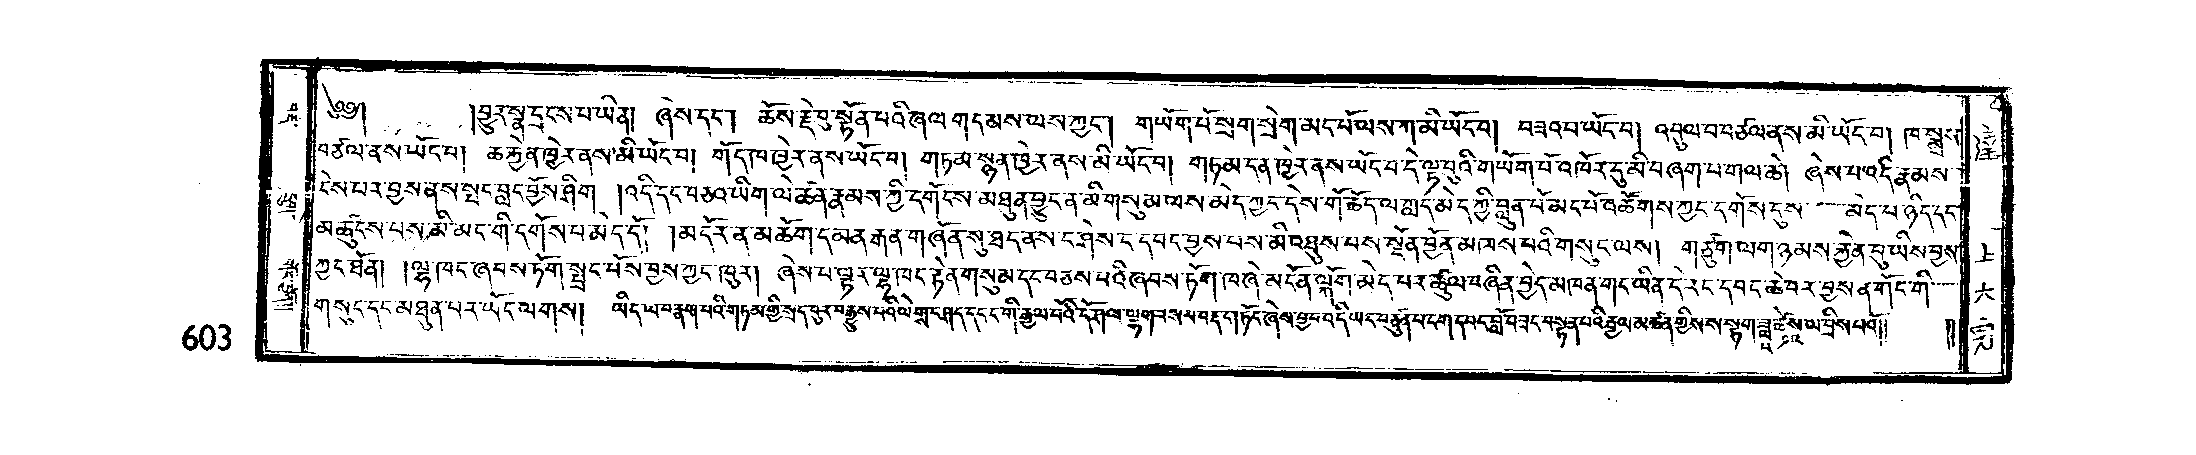༄༅། །བྱུར་སྣ་དྲངས་པ་ཡིན། ཞེས་དང་། ཆོས་རྗེ་བུ་སྟོན་པའི་ཞལ་གདམས་ལས་ཀྱང་། གཡོག་པོ་སྲག་སྲེག་མང་པོ་ལས་ཀ་མི་ཡོང་བ། བཟའ་བ་ཡོང་བ། འབུལ་བ་བཙལ་ནས་མི་ཡོང་བ། ཁ་སྨྲས་
བཙལ་ནས་ཡོང་པ། ཆ་རྐྱེན་ཁྱེར་ནས་མི་ཡོང་བ། གོད་ཁ་ཁྱེར་ནས་ཡོང་བ། གཏམ་སྙན་ཁྱེར་ནས་མི་ཡོང་བ། གཏམ་དན་ཁྱེར་ནས་ཡོང་བ་དེ་ལྟ་བུའི་གཡོག་པོ་འཁོར་དུ་མི་བཞག་པ་གལ་ཆེ། ཞེས་པ་འདི་རྣམས་
ངེས་པར་བྱས་ནས་སྤང་བླང་བྱོས་ཤིག །འདི་དང་བཅའ་ཡིག་ལེ་ཚན་རྣམས་ཀྱི་དགོངས་མཐུན་བྱུང་ན་མི་གསུམ་ལས་མེད་ཀྱང་དེས་གོ་ཆོད་ལ་ཀླད་མེད་ཀྱི་བླུན་པོ་མང་པོ་འཚོགས་ཀྱང་དགོས་དུས་མེད་པ་ཉིད་དང་
མཚུངས་པས་མི་མང་གི་དགོས་པ་མེད་དོ། །མདོར་ན་མཆོག་དམན་རྒན་གཞོན་སུ་ཐད་ནས་ང་ཤེས་ང་དབང་བྱས་པས་མི་འཐུས་པས་སྔོན་བྱོན་མཁས་པའི་གསུང་ལས། གཙུག་ལག་ཉམས་རྐྱེན་བུ་ཡིས་བྱས་
ཀྱང་ཐོན། །ལྷ་ཁང་ཞབས་ཏོག་སྤྲང་པོས་བྱས་ཀྱང་ཁུར། ཞེས་པ་ལྟར་ལྷ་ཁང་རྟེན་གསུམ་དང་བཅས་པའི་ཞབས་ཏོག་ཁ་ཞེ་མངོན་ལྐོག་མེད་པར་ཚུལ་བཞིན་བྱེད་མཁན་གང་ཡིན་དེ་རང་དབང་ཆེ་བར་བྱས་ན་གོང་གི་
གསུང་དང་མཐུན་པར་ཡོང་ལགས། ཡིད་ལ་བརྣག་པའི་གཏམ་གྱི་སྲད་བུར་བརྒྱུས་པའི་ལེགས་བཤད་དབང་གི་རྒྱལ་པོའི་དོ་ཤལ་ལྷག་བསམ་བརྡ་གཏོང་ཞེས་བྱ་བ་འདི་ཡང་བཙུན་པ་ངག་དབང་བློ་བཟང་བསྟན་པའི་རྒྱལ་མཚན་གྱིས་ས་སྟག་ཟླ ༥་ཚེས ༡༢་ལ་བྲིས་པའོ།།